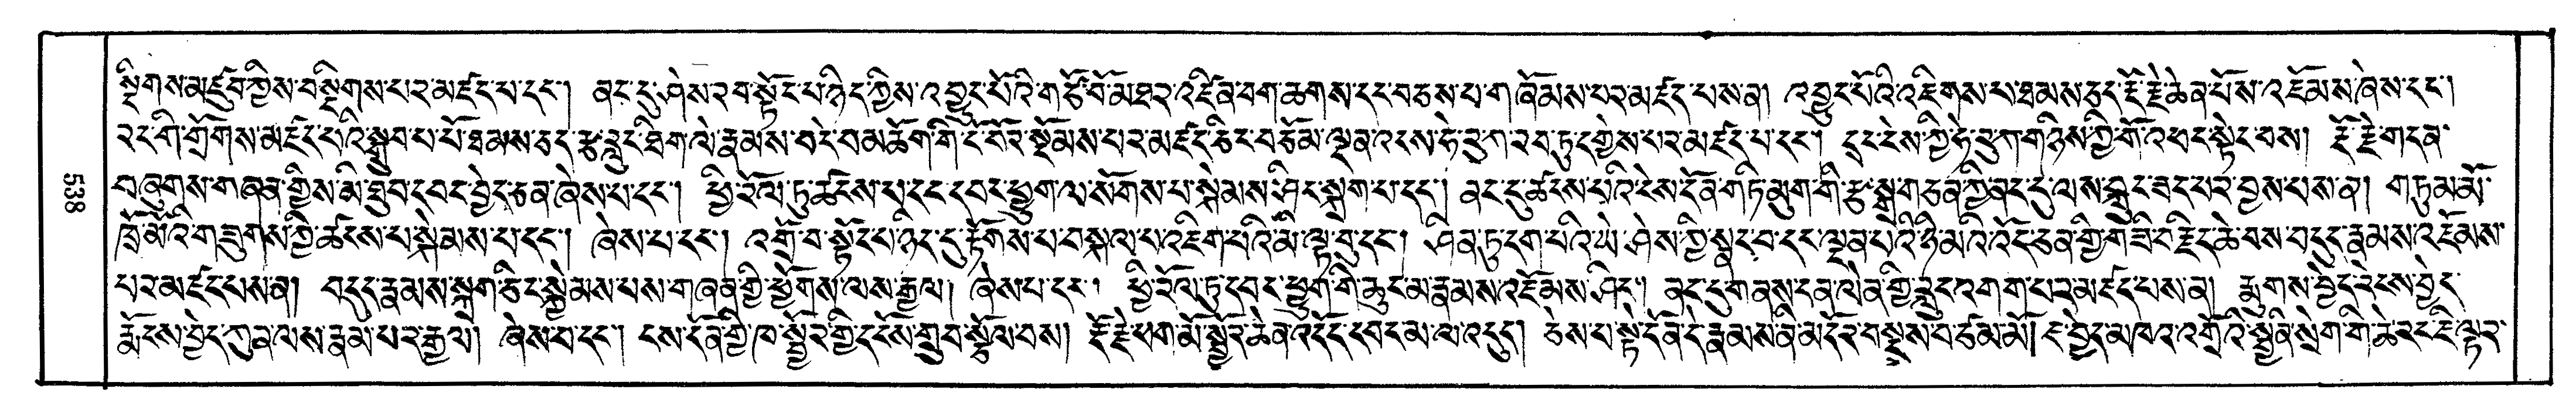སྡིགས་མཛུབ་ཀྱིས་བསྡིགས་པར་མཛད་པ་དང་། ནང་དུ་ཤེས་རབ་སྟོང་པ་ཉིད་ཀྱིས་འབྱུང་པོའི་གཙོ་བོ་མཐར་འཛིན་བག་ཆགས་དང་བཅས་པ་གཞོམས་པར་མཛད་པས་ན། འབྱུང་པོའི་འཇིགས་པ་ཐམས་ཅད་རྡོ་རྗེ་ཆེན་པོས་འཇོམས་ཞེས་དང་།
རང་གི་གྲོགས་མཛད་པའི་སྒྲུབ་པ་པོ་ཐམས་ཅད་རྩ་རླུང་ཐིག་ལེ་རྣམས་བདེ་བ་མཆོག་གི་ངོ་བོར་སྡོམས་པར་མཛད་ཅིང་བཅོམ་ལྡན་འདས་ཧེ་རུ་ཀ་རབ་ཏུ་དགྱེས་པར་མཛད་པ་དང་། དྲང་ངེས་ཀྱི་ཧེ་རུ་ཀ་གཉིས་ཀྱི་གོ་འཕང་སྟེར་བས། རྡོ་རྗེ་གདན་
བཞུགས་གཞན་གྱིས་མི་ཐུབ་དབང་བྱེད་ཅན་ཞེས་པ་དང་། ཕྱི་རོལ་ཏུ་ཚངས་པ་དང་དབང་ཕྱུག་ལ་སོགས་པ་སྐེམས་ཤིང་སྐྲག་པ་དང་། ནང་དུ་ཚངས་པའི་ངེས་དོན་གཏི་མུག་གི་རྩ་སྒྲ་གཅན་གྱི་ནང་དུ་ལས་རླུང་ཟད་པར་བྱས་པས་ན། གཏུམ་མོ་
ཁྲོ་མོའི་གཟུགས་ཀྱི་ཚངས་པ་སྐེམས་པ་དང་། ཞེས་པ་དང་། འགྲོ་བ་སྟོང་པ་ཉིད་དུ་རྟོགས་པ་བསྐལ་པ་འཇིག་པའི་མེ་ལྟ་བུ་དང་། ཤིན་ཏུ་དག་པའི་ཡེ་ཤེས་ཀྱི་སྣང་བ་དང་ལྡན་པའི་ཉི་མའི་འོད་ཅན་གྱི་གཟི་བརྗིད་ཆེ་བས་བདུད་རྣམས་འཇོམས་
བར་མཛད་པས་ན། བདུད་རྣམས་སྐྲག་ཅིང་སྐྱེམས་པས་གཞན་གྱི་ཕྱོགས་ལས་རྒྱལ། ཞེས་པ་དང་། ཕྱི་རོལ་ཏུ་དབང་ཕྱུག་གི་ཆུང་མ་རྣམས་འཇོམས་ཤིང་། ནང་དུ་གནས་ངན་ལེན་གྱི་རླུང་འགག་པར་མཛད་པས་ན། རྨུགས་བྱེད་རེངས་བྱེད་
རྨོངས་བྱེད་ཀུན་ལས་རྣམ་པར་རྒྱལ། ཞེས་པ་དང་། ངེས་དོན་གྱི་ཁ་སྦྱོར་གྱི་དངོས་གྲུབ་སྩོལ་བས། རྡོ་རྗེ་ཕག་མོ་སྦྱོར་ཆེན་འདོད་དབང་མ་ལ་འདུད། ཅེས་པ་སྟེ་དོན་དེ་རྣམས་ནི་མདོར་བསྡུས་བ་ཙམ་མོ། ཟ་བྱེད་མཁའ་འགྲོའི་སྦྱིན་སྲེག་གི་ཚེ་རང་ཇི་ལྟར་